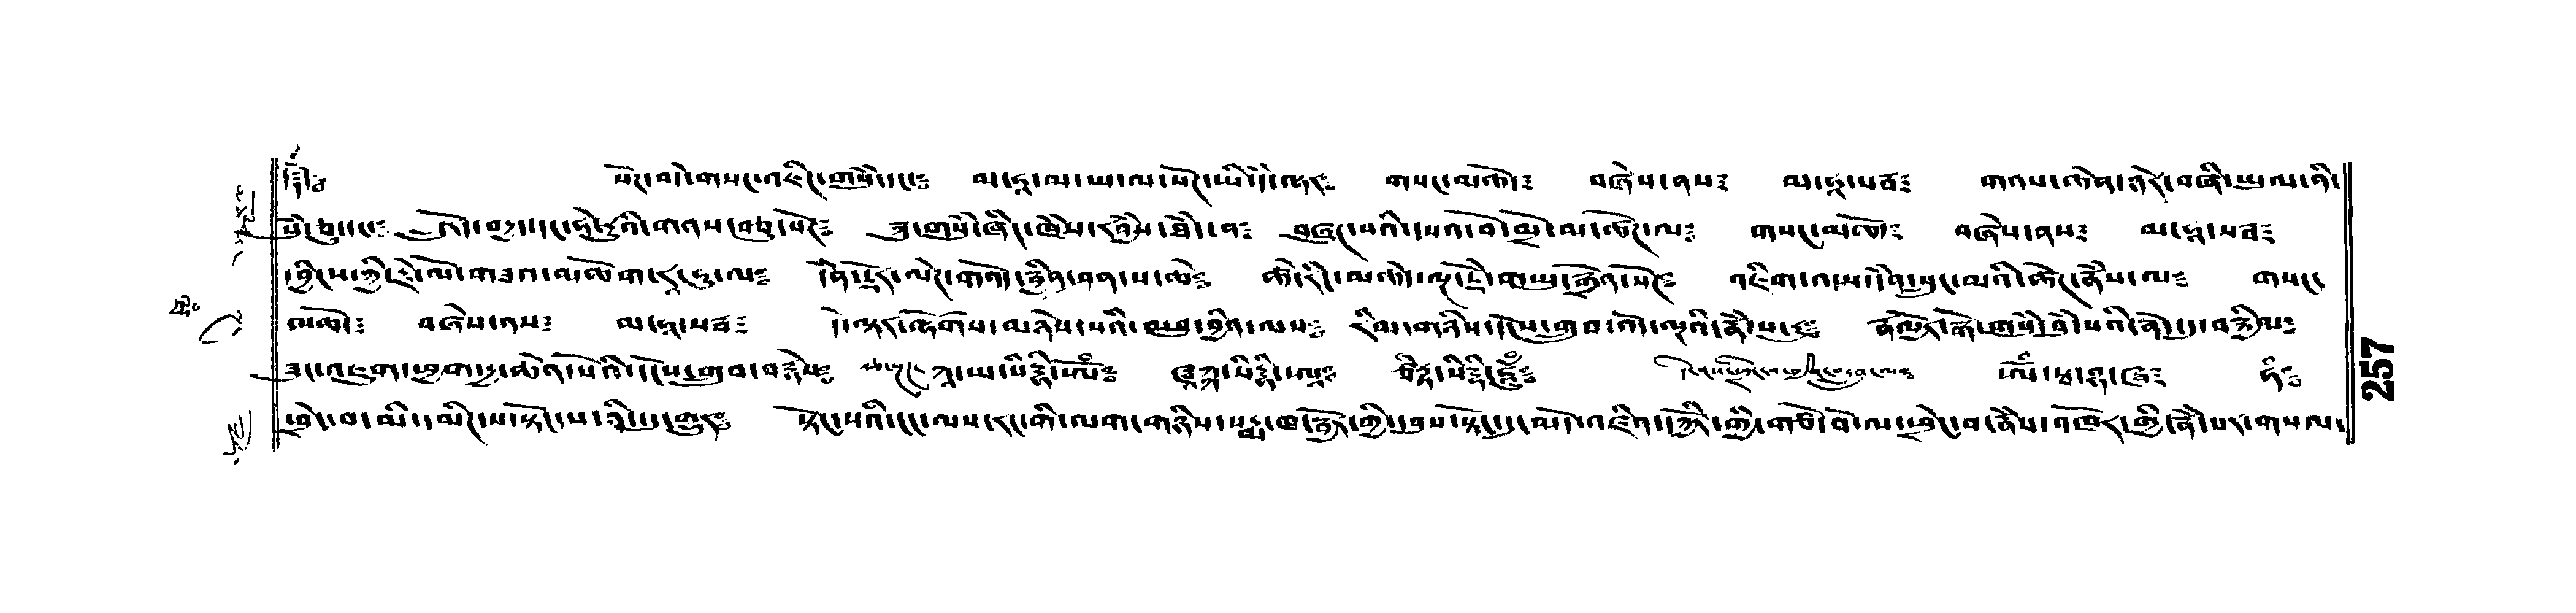སོགས་བདེ་གསང་འཇིགས་གསུམ་དང༔ མ་ཧཱ་མ་ཡ་ལ་སོགས་ཡི་དམ་ལྷར༔ གསང་མཆོད༴ བཞེས་ནས༴ མ་ཧཱ་སརྦ༴ གནས་ཆེན་ཉེར་བཞི་ཡུལ་ནི་
སུམ་ཅུ་དང༔ དུད་ཁྲོད་བརྒྱད་དང་ཧེ་རུའི་གནས་བཅུ་སོགས༔ སྐུ་གསུམ་ཞིང་ཁམས་རབ་འབྱམས་ཐམས་ཅད་ན༔ བཞུགས་པའི་དཔའ་བོ་མཁའ་འགྲོ་མ་ཚོགས་ལ༔ གསང་མཆོད༴ བཞེས་ནས༴ མ་ཧཱ་སརྦ༴ 
དབྱིངས་ཀྱི་རྗེ་མོ་གཟའ་མཆོག་རཱ་ཧུ་ལ༔ དམ་ཅན་རྡོར་ལེགས་གནོད་སྦྱིན་ཤན་པ་ཆེ༔ཚེ་རིང་མཆེད་ལྔ་རྡོ་རྗེ་གཡུ་སྒྲོན་སོགས༔ འཇིག་འདས་དམ་ཅན་སྲུང་མའི་ཚོགས་རྣམས་ལ༔ གསང་
མཆོད༴ བཞེས་ནས༴ མ་ཧཱ་སརྦ༴ དེ་ལྟར་ལྷ་ཚོགས་མཉེས་པའི་མཐུ་བྱིན་ལས༔ རིམ་གཉིས་དངོས་གྲུབ་འོད་ལྔའི་རྣམ་པ་རུ༔ རྣལ་འབྱོར་སྒོ་གསུམ་བུམ་པ་སྣོད་དུ་བསྐྱིལ༔ 
ཟུང་འཇུག་ཕྱག་རྒྱ་ཆེན་པོའི་དངོས་གྲུབ་བརྙེས༔ རྩ་སྔགས་ཀཱ་ཡ་སིདྡྷི་ཨོཾ༔ ཝཱཀྐ་སིདྡྷི་ཨཱཿ ཙིཏྟ་སིདྡྷི་ཧཱུྃ༔ དེ་ནས་ཕྲེང་བ་བྱིན་བརླབ་ལ༔ ཨོཾ་སྭ་བྷ་ཝ༴ ཧཾ༔ 
ཕྲེང་བ་མི་དམིགས་པ་སྟོང་པ་ཉིད་དུ་གྱུར༔ སྟོང་པའི་ངང་ལས་རང་གི་ལག་གཉིས་པདྨ་ཁ་སྦྱོར་གྱི་དབུས་སྟོང་དུ་མདོ་འཛིན་དཀྱིལ་འཁོར་གྱི་གཙོ་བོ་ལ་ཕྲེང་དོག་རྣམས་འཁོར་གྱི་རྣམ་པར་གསལ་